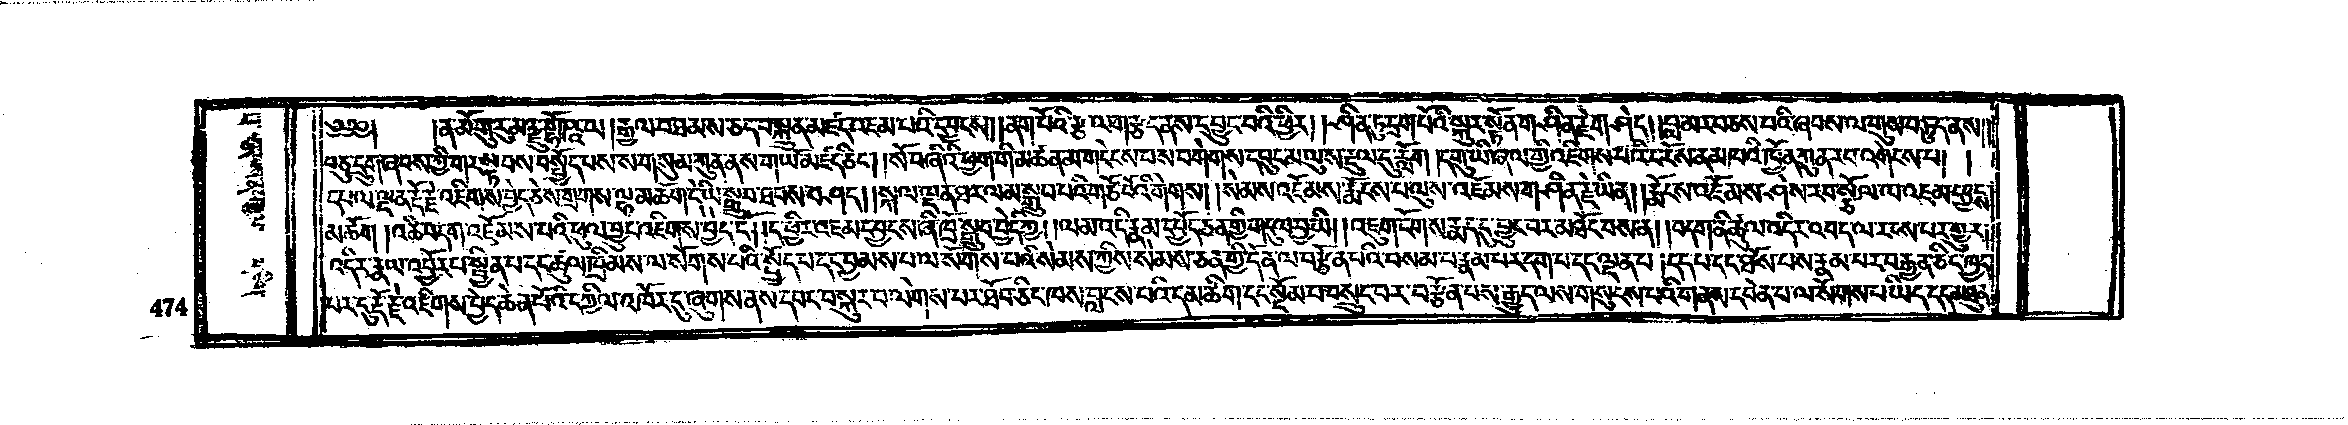༄༅༅། །ན་མོ་གུ་རུ་མཉྫུ་གྷོ་ཥཱ་ཡ། རྒྱལ་བ་ཐམས་ཅད་བསྐྲུན་མཛད་འཇམ་པའི་དབྱངས། །ནག་པོའི་རྩ་ལག་རྩད་ནས་དབྱུང་བའི་ཕྱིར། །ཤིན་ཏུ་དྲག་པོའི་སྐུར་སྟོན་གཤིན་རྗེ་གཤེད། །བླ་མར་བཅས་པའི་ཞབས་ལ་གུས་བཏུད་ནས། །
བཅུ་དྲུག་ཞབས་ཀྱི་གར་སྟབས་བསྤྱོད་པས་ས་གསུམ་ཀུན་ནས་གཡོ་མཛད་ཅིང་། །སོ་བཞིའི་ཕྱག་གི་མཚན་མ་གདེངས་པས་བགེགས་དཔུང་མ་ལུས་རྡུལ་དུ་རློག །དགུ་ཡི་ཞལ་གྱི་འཇིགས་པའི་ང་རོས་ནམ་མཁའི་ཁྱོན་ཀུན་རབ་འགེངས་པ། །
དཔལ་ལྡན་རྡོ་རྗེ་འཇིགས་བྱེད་ཅེས་གྲགས་ལྷ་མཆོག་དེ་ཡི་སྒྲུབ་ཐབས་བཤད། །སྐལ་ལྡན་ཐར་ལམ་སྒྲུབ་པའི་གཙོ་བོའི་གེགས། །སེམས་འཇོམས་རྨོངས་པ་ལུས་འཇོམས་གཤིན་རྗེ་ཡིན། །རྨོངས་འཇོམས་ཤེས་རབ་སྩོལ་ལ་འཇམ་དབྱངས་
མཆོག །འཆི་བདག་འཇོམས་པའི་ཕུལ་བྱུང་འཇིགས་བྱེད་དོ། །དེ་ཕྱིར་འཇམ་དབྱངས་ཞི་ཁྲོ་སྒྲུབ་བྱེད་ཀྱི། །ལམ་འདི་རྣམ་དཔྱོད་ཅན་གྱི་གདུལ་བྱ་ཡི། །འཇུག་ངོགས་རྨད་དུ་བྱུང་བར་མཐོང་བས་ན། །བདག་ནི་ཚུལ་འདིར་འབད་ལ་རངས་པར་གྱུར།
འདིར་རྣལ་འབྱོར་པ་སྦྱིན་པ་དང་ཚུལ་ཁྲིམས་ལ་སོགས་པའི་སྤྱོད་པ་དང་བྱམས་པ་ལ་སོགས་པའི་སེམས་ཀྱིས་སེམས་ཅན་གྱི་དོན་ལ་བརྩོན་པའི་བསམ་པ་རྣམ་པར་དག་པ་དང་ལྡན་པ། དད་པ་དང་ཐོས་པས་རྣམ་པར་བརྒྱན་ཅིང་ཁྱད་
ཕ༹པར་དུ་རྡོ་རྗེ་འཇིགས་བྱེད་ཆེན་པོའི་དཀྱིལ་འཁོར་དུ་ཞུགས་ནས་དབང་བསྐུར་བ་ལེགས་པར་ཐོབ་ཅིང་ཁས་བླངས་པའི་དམ་ཚིག་དང་སྡོམ་པ་བསྲུང་བར་བརྩོན་པས་རྒྱུད་ལས་གསུངས་པའི་གནས་དབེན་པ་ལ་སོགས་པ་ཡིད་དང་མཐུན་